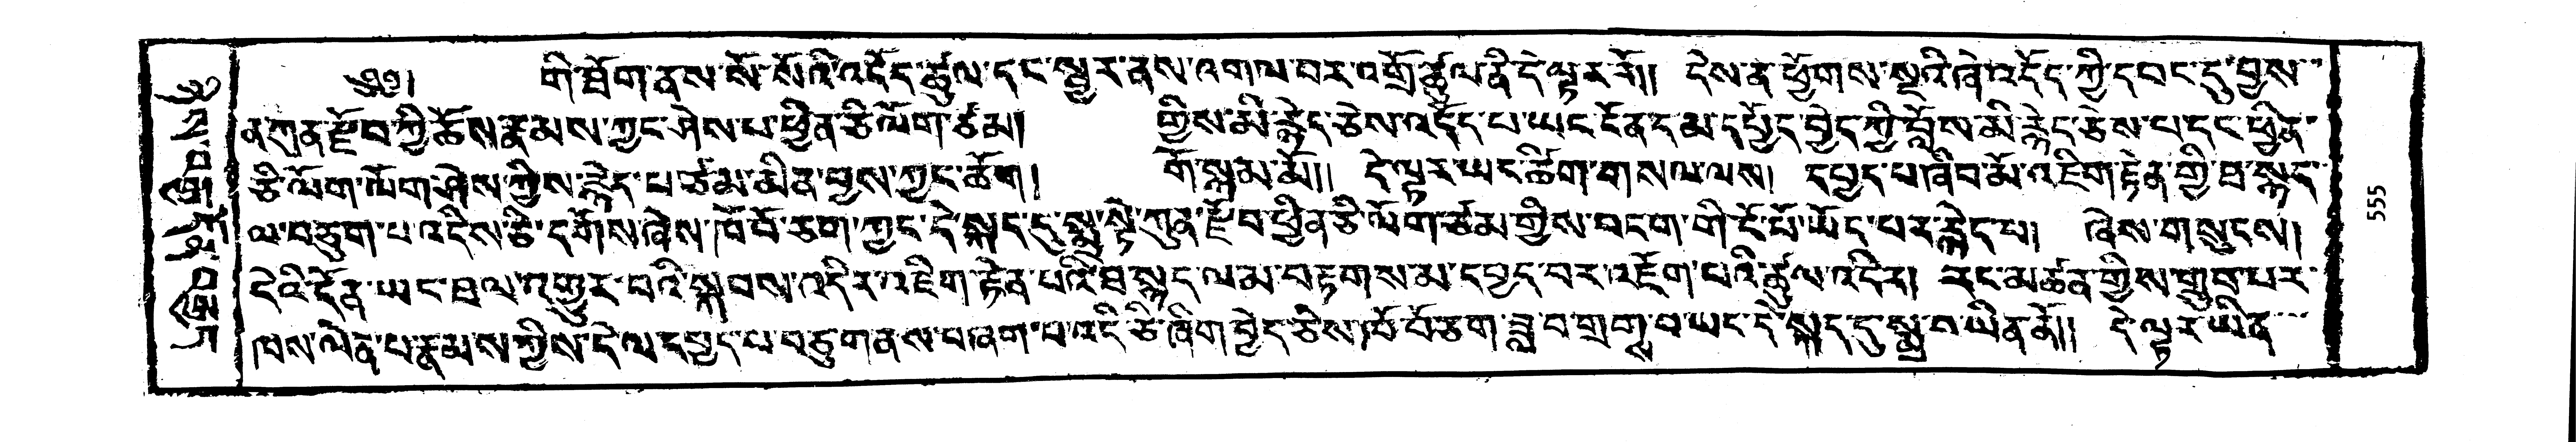༄༅། །གི་ཐོག་ནས་སོ་སོའི་འདོད་ཚུལ་དང་སྦྱར་ནས་འགལ་བར་འགྲོ་ཚུལ་ནི་དེ་ལྟར་རོ།། དེས་ན་ཕྱོགས་སྔའི་ཞེ་འདོད་ཀྱི་དབང་དུ་བྱས་
ན་ཀུན་རྫོབ་ཀྱི་ཆོས་རྣམས་ཀྱང་ཤེས་པ་ཕྱིན་ཅི་ལོག་ཙམ། གྱིས་མི་རྙེད་ཅེས་འདོད་པ་ཡང་དོན་དམ་དཔྱོད་བྱེད་ཀྱི་བློས་མི་རྙེད་ཅེས་པ་དང་ཕྱིན་
ཅི་ལོག་ལོག་ཤེས་ཀྱིས་རྙེད་པ་ཙམ་མིན་བྱས་ཀྱང་ཆོག། གོ་སྙམ་མོ།། དེ་ལྟར་ཡང་ཚིག་གསལ་ལས། དཔྱད་པ་ཞིབ་མོ་འཇིག་རྟེན་གྱི་ཐ་སྙད་
ལ་བཅུག་པ་འདིས་ཅི་དགོས་ཞེས་ཁོ་བོ་ཅག་ཀྱང་དེ་སྐད་དུ་སྨྲ་སྟེ་ཀུན་རྫོབ་ཕྱིན་ཅི་ལོག་ཙམ་གྱིས་བདག་གི་ངོ་བོ་ཡོད་པར་རྙེད་པ། ཞེས་གསུངས།
དེའི་དོན་ཡང་ཐལ་འགྱུར་བའི་སྐབས་འདིར་འཇིག་རྟེན་པའི་ཐ་སྙད་ལ་མ་བརྟགས་མ་དཔྱད་པར་འཇོག་པའི་ཚུལ་འདིར། རང་མཚན་གྱིས་གྲུབ་པར་
ཁས་ལེན་པ་རྣམས་ཀྱིས་དེ་ལ་དཔྱད་པ་བཅུ་གནས་བཞག་པ་འདི་ཅི་ཞིག་བྱེད་ཅེས་ཁོ་བོ་ཅག་ཟླ་བ་གྲགས་པ་ཡང་དེ་སྐད་དུ་སྨྲ་བ་ཡིན་ནོ།། དེ་ལྟར་ཡིན་